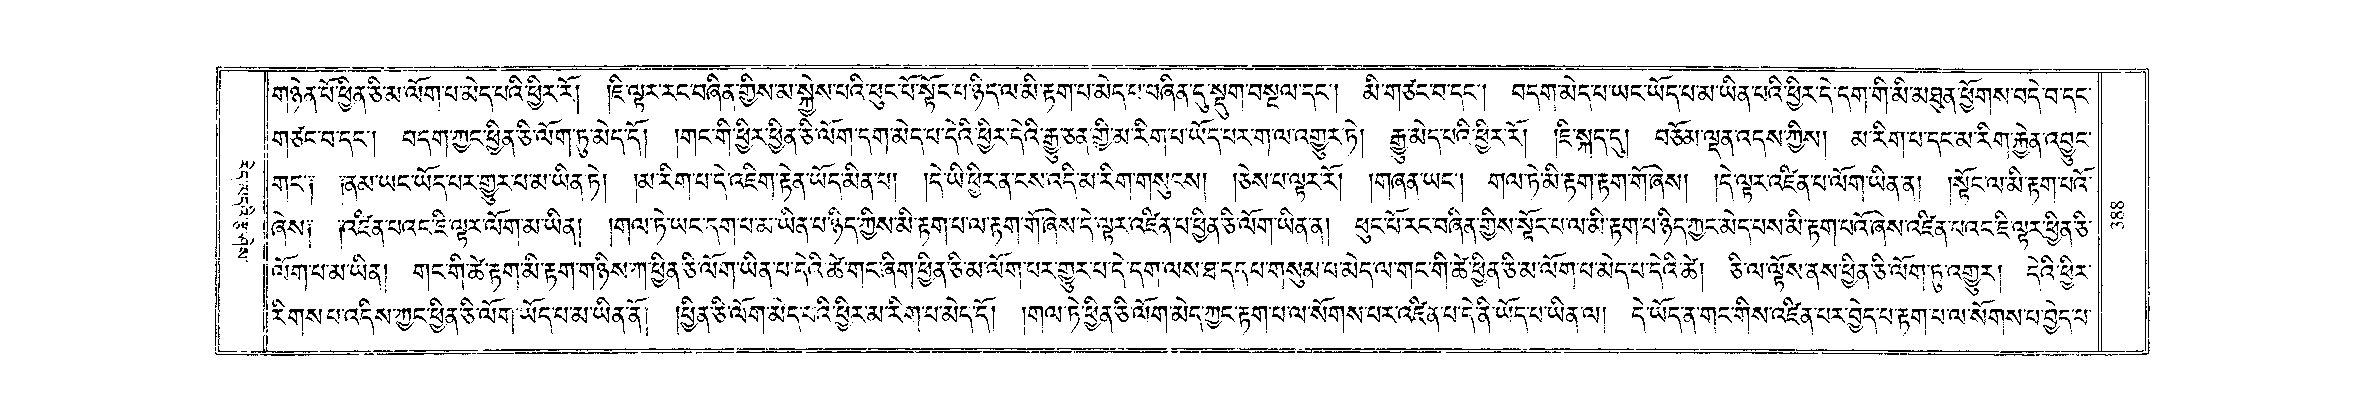གཉེན་པོ་ཕྱིན་ཅི་མ་ལོག་པ་མེད་པའི་ཕྱིར་རོ། །ཇི་ལྟར་རང་བཞིན་གྱིས་མ་སྐྱེས་པའི་ཕུང་པོ་སྟོང་པ་ཉིད་ལ་མི་རྟག་པ་མེད་པ་བཞིན་དུ་སྡུག་བསྔལ་དང་། མི་གཙང་བ་དང་། བདག་མེད་པ་ཡང་ཡོད་པ་མ་ཡིན་པའི་ཕྱིར་དེ་དག་གི་མི་མཐུན་ཕྱོགས་བདེ་བ་དང་
གཙང་བ་དང་། བདག་ཀྱང་ཕྱིན་ཅི་ལོག་ཏུ་མེད་དོ། །གང་གི་ཕྱིར་ཕྱིན་ཅི་ལོག་དག་མེད་པ་དེའི་ཕྱིར་དེའི་རྒྱུ་ཅན་གྱི་མ་རིག་པ་ཡོད་པར་ག་ལ་འགྱུར་ཏེ། རྒྱུ་མེད་པའི་ཕྱིར་རོ། །ཇི་སྐད་དུ། བཅོམ་ལྡན་འདས་ཀྱིས། མ་རིག་པ་དང་མ་རིག་རྐྱེན་འབྱུང་
གང༑ ༑ནམ་ཡང་ཡོད་པར་གྱུར་པ་མ་ཡིན་ཏེ། །མ་རིག་པ་དེ་འཇིག་རྟེན་ཡོད་མིན་པ། །དེ་ཡི་ཕྱིར་ན་ངས་འདི་མ་རིག་གསུངས། །ཅེས་པ་ལྟར་རོ། །གཞན་ཡང་། གལ་ཏེ་མི་རྟག་རྟག་གོ་ཞེས། །དེ་ལྟར་འཛིན་པ་ལོག་ཡིན་ན། །སྟོང་ལ་མི་རྟག་པའོ་
ཞེས༑ ༑འཛིན་པའང་ཇི་ལྟར་ལོག་མ་ཡིན། །གལ་ཏེ་ཡང་དག་པ་མ་ཡིན་པ་ཉིད་ཀྱིས་མི་རྟག་པ་ལ་རྟག་གོ་ཞེས་དེ་ལྟར་འཛིན་པ་ཕྱིན་ཅི་ལོག་ཡིན་ན། ཕུང་པོ་རང་བཞིན་གྱིས་སྟོང་པ་ལ་མི་རྟག་པ་ཉིད་ཀྱང་མེད་པས་མི་རྟག་པའོ་ཞེས་འཛིན་པའང་ཇི་ལྟར་ཕྱིན་ཅི་
ལོག་པ་མ་ཡིན། གང་གི་ཚེ་རྟག་མི་རྟག་གཉིས་ཀ་ཕྱིན་ཅི་ལོག་ཡིན་པ་དེའི་ཚེ་གང་ཞིག་ཕྱིན་ཅི་མ་ལོག་པར་གྱུར་པ་དེ་དག་ལས་ཐ་དད་པ་གསུམ་པ་མེད་ལ་གང་གི་ཚེ་ཕྱིན་ཅི་མ་ལོག་པ་མེད་པ་དེའི་ཚེ། ཅི་ལ་ལྟོས་ནས་ཕྱིན་ཅི་ལོག་ཏུ་འགྱུར། དེའི་ཕྱིར་
རིགས་པ་འདིས་ཀྱང་ཕྱིན་ཅི་ལོག་ཡོད་པ་མ་ཡིན་ནོ། །ཕྱིན་ཅི་ལོག་མེད་པའི་ཕྱིར་མ་རིག་པ་མེད་དོ། །གལ་ཏེ་ཕྱིན་ཅི་ལོག་མེད་ཀྱང་རྟག་པ་ལ་སོགས་པར་འཛིན་པ་དེ་ནི་ཡོད་པ་ཡིན་ལ། དེ་ཡོད་ན་གང་གིས་འཛིན་པར་བྱེད་པ་རྟག་པ་ལ་སོགས་པ་བྱེད་པ་